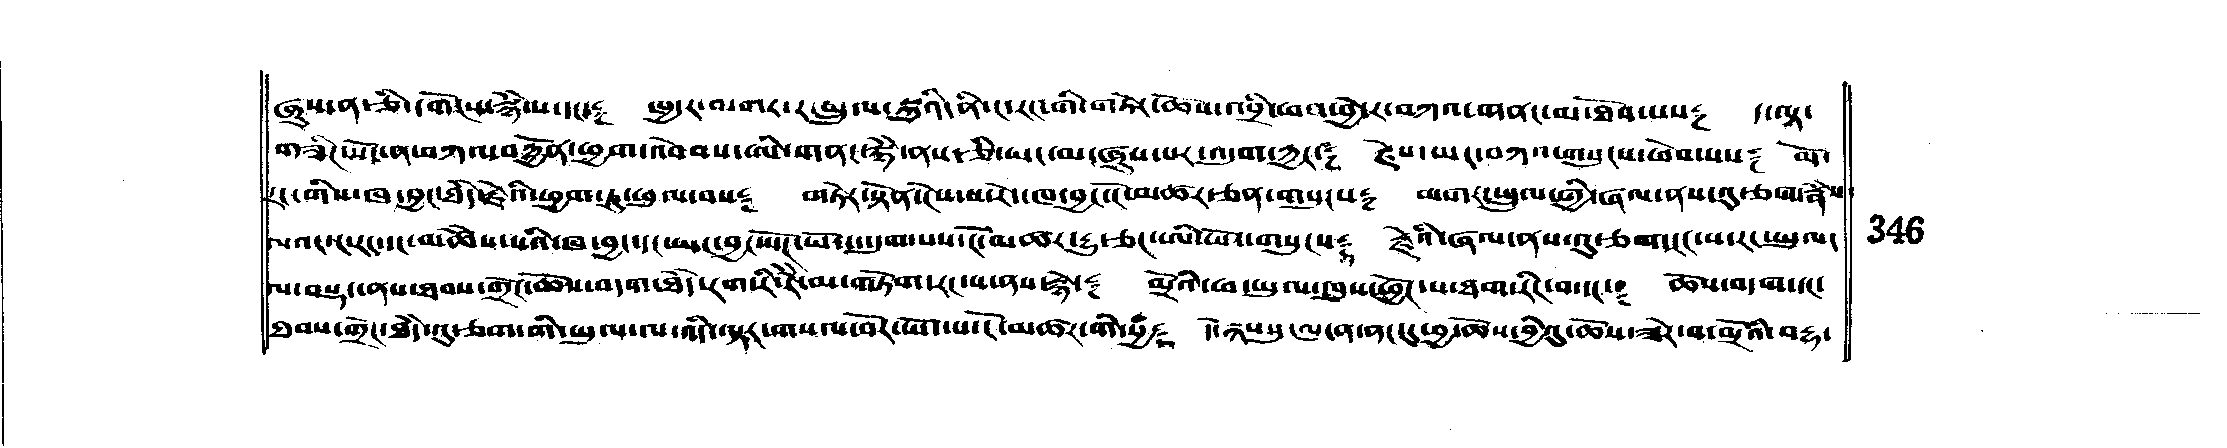ཞུས་ན་ཅི་དགོངས་སྙམ་པ་དང་། ཁྱད་པར་མགར་ར་སྤྲུལ་སྐུ་ནི་ང་རང་གི་གཏེར་ཆོས་འབྲི་ཕབ་བྱེད་པར་བཀའ་གནང་མ་ཐོབ་པས། ད་ལྟར་
གཟིགས་སོང་ན་བཀའ་བཀྱོན་ཕྱག་འབེབས་ཨི་གནང་སྙམ་ནས་ཅི་ཡང་མ་ཞུས་པར་འདུག་ཀྱང་། རྗེས་ཡང་བཀའ་གསུང་ཕེབས་པས། མོ་
རང་གིས་ཁ་བྱང་ཐམས་ཅད་རྗེའི་ཕྱག་ཏུ་ཕུལ་བས། གཏེར་སྟོན་ངེས་པ་རེད་ཁ་བྱང་ངོ་མཚར་ཅན་གསུངས། མགར་སྤྲུལ་གྱི་ཞལ་ནས་འུ་ཅག་རྣམས་
ལའང་ང་རང་དང་འཚམས་པའི་ཁ་བྱང་དང་ཡང་བྱང་སོགས་ཡོད་འདུག་པས་ངོ་མཚར་རྒྱུ་ཅང་ཨི་ཡོད་གསུངས། རྗེའི་ཞལ་ནས་འུ་ཅག་རང་ས་རང་ཡུལ་
ལ་བསྡད་ནས་ཐབས་གྲོགས་ཆོས་བདག་ཐམས་ཅད་རག་རི་རིན་པོ་ཆེ་༼རགས་རིམ་རེ་?༽མ་གཏོགས་རང་ས་ནས་རྙེད། མཁའ་འགྲོའི་ཕ་ཡུལ་དབུས་ཕྱོགས་ས་ཐག་རིང་བ་དང་། ཆོས་བདག་དང་
ཐབས་གྲོགས་ཐམས་ཅད་འུ་ཅག་གི་ཡུལ་ལ་འདི་ལྟར་གསལ་པོར་ཡོད་པ་ངོ་མཚར་གི་གསུང་། དེ་སྐབས་སུ་ལུང་བསྟན་ནང་དུ་བྱ་ཆོས་བྱིའུ་ཆོས་ཟེར་བ་མཁའ་འགྲོའི་བརྡ་